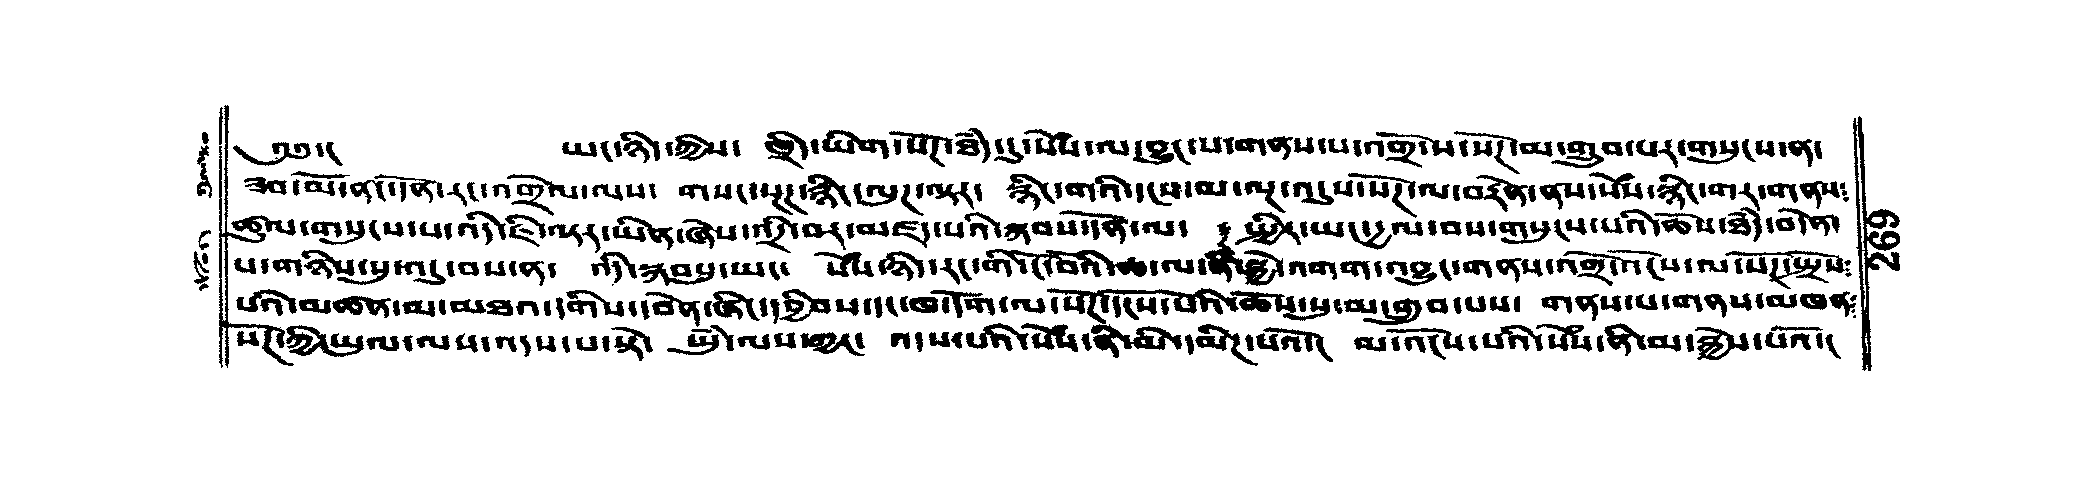ཡང་ཉིད་ཀྱིས། ཁྲིད་ཡིག་སོགས་ཐམས་ཅད་དུ་སེམས་ལ་བྱུང་ས་གནས་ས་འགྲོ་ས་སོགས་མ་གྲུབ་པར་གསུངས་ན། 
ཟབ་མོ་ནང་དོན་རང་འགྲེལ་ལས། གསང་སྔགས་རྙིང་ལུགས་ལྟར། སྙིང་གའི་དྭངས་མ་ལྔ་འདུས་སོགས་ལ་བརྟེན་ནས་སེམས་སྙིང་གར་གནས་
ཚུལ་གསུངས་པ་འདི་ཇི་ལྟར་ཡིན་ཞེས་འདྲི་བར་མཛད་པའི་སྐབས་དོན་ལ། སྤྱིར་ཡང་རྒྱལ་བས་གསུངས་པའི་ཆོས་ཐམས་ཅད་བདེན་
པ་གཉིས་སུ་འདུ་བས་ན། འདི་སྐབས་སུ་ཡང་།སེམས་ཉིད་རང་གི་ངོ་བོའི་ཆ་ལ་ནི་སྐྱེ་འགག་བྱུང་གནས་འགྲོ་འོངས་ལ་སོགས་སྤྲོས་
པའི་མཚན་མ་མཐའ་དག་གིས་དབེན་ཞིང་དབྱིབས་དང་ཁ་དོག་ལ་སོགས་དངོས་པོའི་ཆོས་སུ་མ་གྲུབ་པས། གནས་ས་གནས་མཁན་
སོགས་ཀྱི་ཡུལ་ལས་འདས་པ་སྟེ། ཡུམ་ལས་ཀྱང་། འདས་པའི་སེམས་ནི་མི་དམིགས་པའོ། མ་འོངས་པའི་སེམས་ནི་མ་སྐྱེས་པའོ།